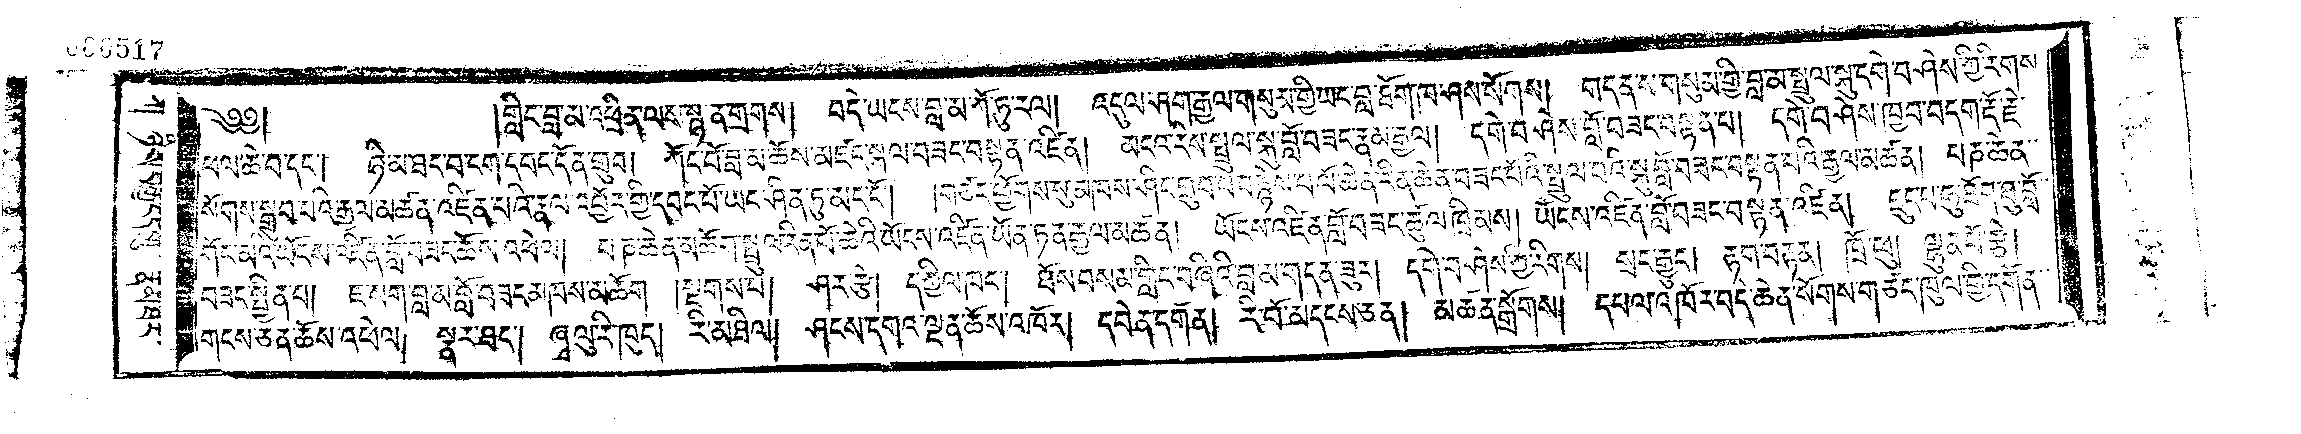༄༅། །གླིང་བླ་མ་འཕྲིན་ལས་སྙན་གྲགས། བདེ་ཡངས་བླ་མ་ཀོ་ཏུ་རལ། འདུལ་ཤག་རྒྱལ་གསུམ་གྱི་ཡང་བླ་ཐོག་ཁ་ཤས་སོགས། གདན་ས་གསུམ་གྱི་བླ་མ་སྤྲུལ་སྐུ་དགེ་བཤེས་ཀྱི་རིགས་
ཕལ་ཆེ་བ་དང་། ཉི་མ་ཐང་པ་ངག་དབང་དོན་གྲུབ། ཀོང་པོ་བླ་མ་ཆོས་མཛད་སྐལ་བཟང་བསྟན་འཛིན། མངའ་རིས་སྤྲུལ་སྐུ་བློ་བཟང་རྣམ་རྒྱལ། དགེ་བཤེས་བློ་བཟང་བསྟན་པ། དགེ་བཤེས་ཁྱབ་བདག་རྡོ་རྗེ་
སོགས་སྒྲུབ་པའི་རྒྱལ་མཚན་འཛིན་པའི་རྣལ་འབྱོར་གྱི་དབང་པོ་ཡང་ཤིན་ཏུ་མང་ངོ། །གཙང་ཕྱོགས་སུ་མཁས་ཤིང་གྲུབ་པ་བརྙེས་པ་ལོ་ཆེན་རིན་ཆེན་བཟང་པོའི་སྤྲུལ་བའི་སྐུ་བློ་བཟང་བསྟན་པའི་རྒྱལ་མཚན། པཎ་ཆེན་
གོང་མའི་ཡོངས་འཛིན་བློ་བཟང་ཆོས་འཕེལ། པཎ་ཆེན་མཆོག་སྤྲུལ་རིན་པོ་ཆེའི་ཡོངས་འཛིན་ཡོན་ཏན་རྒྱལ་མཚན། ཡོངས་འཛིན་བློ་བཟང་ཚུལ་ཁྲིམས། ཡོངས་འཛིན་བློ་བཟང་བསྟན་འཛིན། དྲུང་པ་ཧུ་ཐོག་ཐུ་བློ་
བཟང་སྦྱིན་པ། ཇ་སག་བླ་མ་བློ་བཟང་མཁས་མཆོག །སྔགས་པ། ཤར་རྩེ། དཀྱིལ་ཁང་། ཐོས་བསམ་གླིང་བཞིའི་བླ་མ་གདན་ཟུར། དགེ་བཤེས་ཀྱི་རིགས། སྲད་རྒྱུད། རྟག་བརྟན། ཁྲོ་ཕུ། ལྷུན་པོ་རྩེ།
གངས་ཅན་ཆོས་འཕེལ། སྣར་ཐང་། ཞྭ་ལུ་རི་ཁུད། རི་མཐིལ། ཤངས་དགའ་ལྡན་ཆོས་འཁོར། དབེན་དགོན། རི་བོ་མདངས་ཅན། མཚན་སྒྲོགས། དཔལ་འཁོར་བདེ་ཆེན་སོགས་གཙང་ཁུལ་གྱི་དགོན་